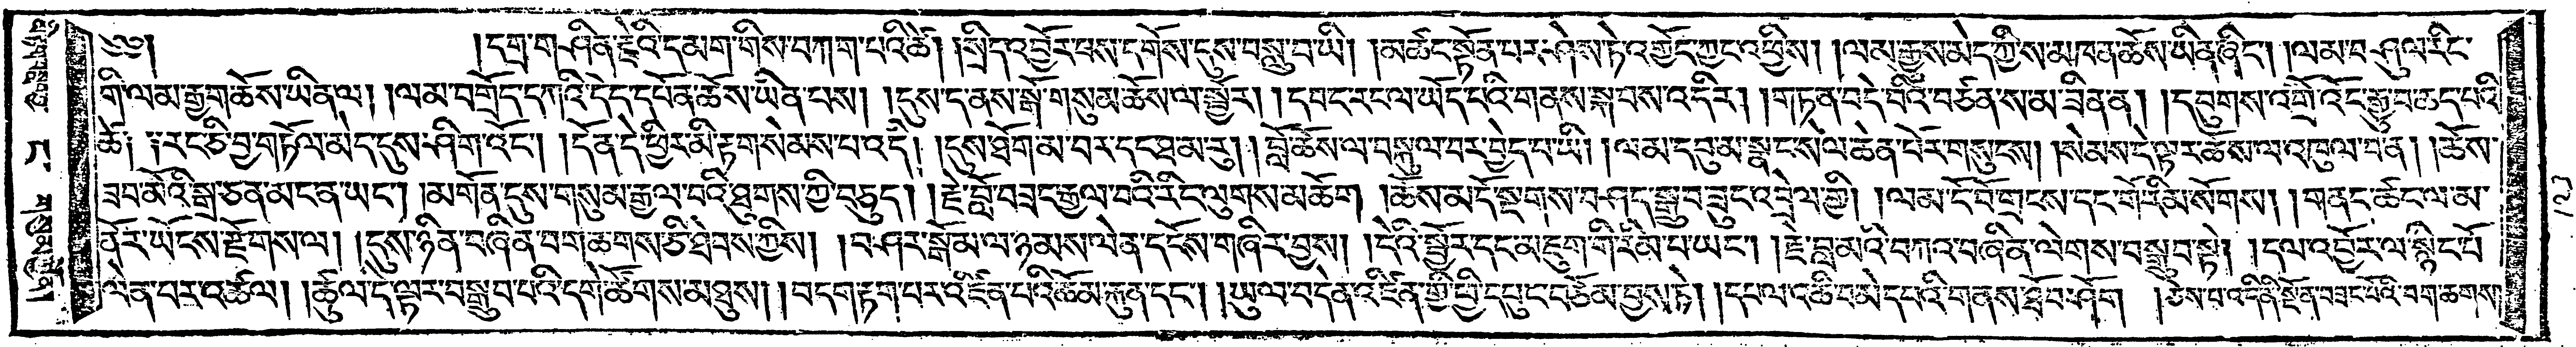༄༅། །དགྲ་གཤིན་རྗེའི་དམག་གིས་བཀག་པའི་ཚེ། །སྲིད་འབྱོར་པས་དགོས་དུས་བསླུ་བ་ཡི། །མཚང་སྟོན་པར་ཤེས་ཏེ་འགྱོང་ཀྱང་འཕྱིས། །ལམ་རྒྱུས་མེད་ཀྱིས་མཁན་ཆོས་ཡིན་ཞིང་། །ལམ་བཤུལ་རིང་
གི་ལམ་རྒྱ་ག་ཆོས་ཡིན་ལ། །ལམ་བགྲོད་དཀའི་དེད་དཔོན་ཆོས་ཡིན་པས། །དུས་ད་ནས་སྒོ་གསུམ་ཆོས་ལ་སྦྱོར། །དབང་རང་ལ་ཡོད་པའི་གནས་སྐབས་འདིར། །གཏན་བདེ་བའི་བཙན་ས་མ་ཟིན་ན། །དབུགས་འགྲོ་འོང་རྒྱུ་བ་ཆད་པའི་
ཚེ༑ ༑རང་ཅི་བྱ་གཏོལ་མེད་དུས་ཤིག་འོང་། །དོན་དེ་ཕྱིར་མི་རྟགས་སེམས་པ་འདི། །དུས་ཐོག་མ་བར་དང་ཐ་མ་རུ། །བློ་ཆོས་ལ་བསྐུལ་བར་བྱེད་པ་ཡི། །ལམ་དབུ་མ་སྣང་སེལ་ཆེན་པོར་གསུངས། །སེམས་དེ་ལྟར་ཆོས་ལ་འཁྲུལ་བ་ན། །ཆོས་
ཟབ་མོའི་སྒྲ་ཅན་མང་ན་ཡང་། །མགོན་དུས་གསུམ་རྒྱལ་བའི་ཐུགས་ཀྱི་བཅུད། །རྗེ་བློ་བཟང་རྒྱལ་བའི་རིང་ལུགས་མཆོག །ཆོས་མདོ་སྔགས་བཤད་སྒྲུབ་ཟུང་འབྲེལ་གྱི། །ལམ་ངོ་བོ་གྲངས་དང་གོ་རིམ་སོགས། །གནད་ཚང་ལ་མ་
ནོར་ཡོངས་རྫོགས་ལ། །དུས་ཉིན་བཞིན་བག་ཆགས་ཅི་ཐེབས་ཀྱིས། །བཤར་སྒོ་མ་ལ་ཉམས་ལེན་དངོས་གཞིར་བྱས། །དེའི་སྦྱོར་དང་མཇུག་གི་རིམ་པ་ཡང་། །རྗེ་བླ་མའི་བཀའ་བཞིན་ལེགས་བསྒྲུབ་སྟེ། །དལ་འབྱོར་ལ་སྙིང་པོ་
ལེན་པར་འཚལ། །ཚུལ་དེ་ལྟར་བསྒྲུབ་པའི་དགེ་ཚོགས་མཐུས། །བདག་རྟག་པར་འཛིན་པའི་ཆོམ་རྐུན་དང་། །ཡུལ་བདེན་འཛིན་གྱི་ཕྱི་དཔུང་བཅོམ་བྱས་ཏེ། །དཔལ་འཆི་བ་མེད་པའི་གནས་ཐོབ་ཤོག །ཅེས་བ་འདི་ནི་སྔོན་བཟང་བོའི་བག་ཆགས།